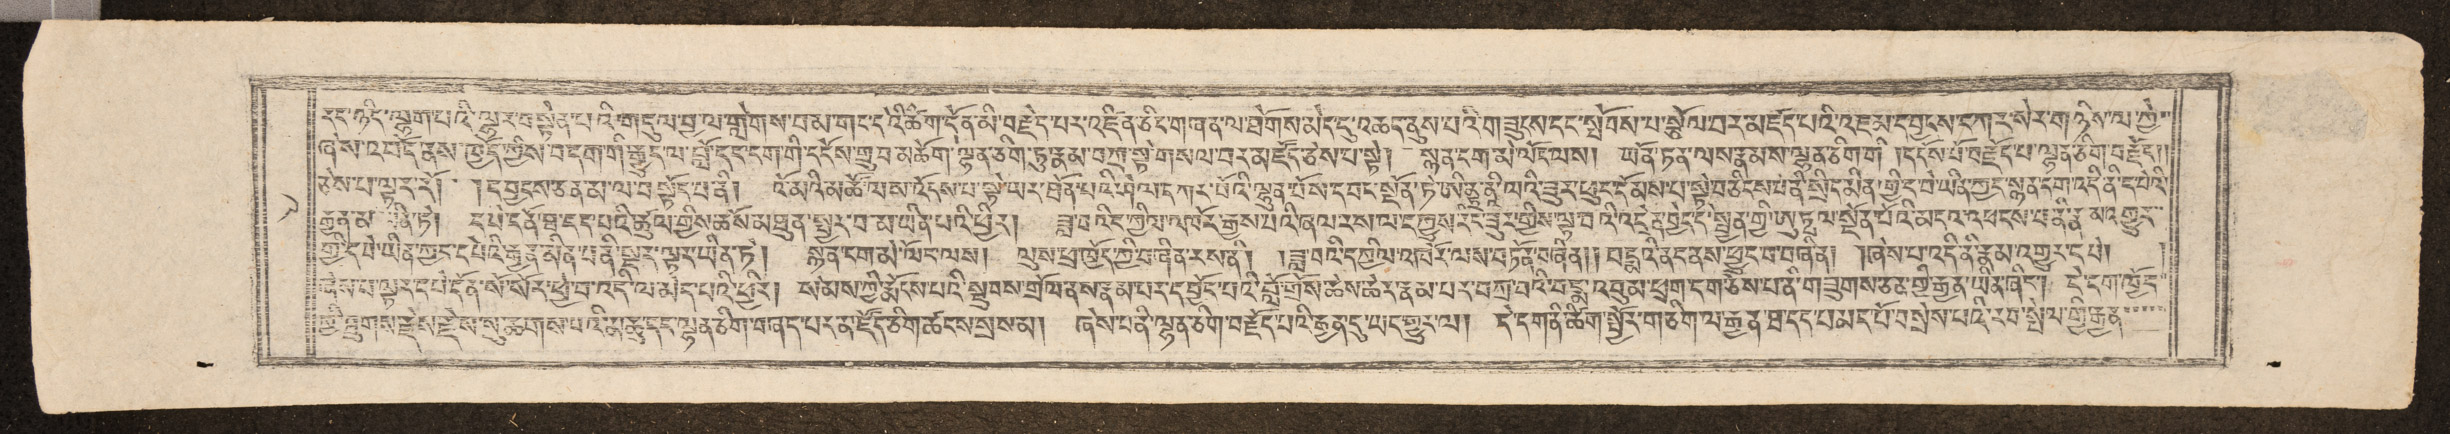རང་ཉིད་ལྷག་པའི་ལྷར་བསྟེན་པའི་གདུལ་བྱ་ལ་གླེགས་བམ་གང་དེའི་ཚིག་དོན་མི་བརྗེད་པར་འཛིན་ཅིང་གཞན་ལ་ཐོགས་མེད་དུ་འཆད་ནུས་པའི་གཟུངས་དང་སྤོབས་པ་སྩོལ་བར་མཛད་པའི་འཇམ་དབྱངས་དཀར་སེར་གཉིས་ལ་ཀྱེ་
ཞེས་འབོད་ནས་ཁྱོད་ཀྱིས་བདག་གི་རྒྱུད་ལ་བློ་དང་ངག་གི་དངོས་གྲུབ་མཆོག་ལྷན་ཅིག་ཏུ་རྣམ་བཀྲ་སྟེ་གསལ་བར་མཛོད་ཅེས་པ་སྟེ། སྙན་ངག་མེ་ལོང་ལས། ཡོན་ཏན་ལས་རྣམས་ལྷན་ཅིག་གི །དངོས་པོ་བརྗོད་པ་ལྷན་ཅིག་བརྗོད།།
ཅེས་པ་ལྟར་རོ། །དབྱངས་ཅན་མ་ལ་བསྟོད་པ་ནི། འོ་མའི་མཚོ་ལས་འྔོས་པ་སྟེ་ཡར་ཐོན་པའི་ཤེལ་དཀར་བོའི་ལྷུན་པོས་དབང་སྔོན་ཏེ་ཨིནྡྲ་ནཱི་ལའི་ཟུར་ཕུང་ངོམས་པ་སྟེ་བཅིངས་པ་ནི་སྲིད་མིན་གྱི་དཔེ་ཡིན་ཀྱང་སྙན་ངག་འདི་ནི་དཔེའི་
རྒྱན་མ་ཡིན་ཏེ། དཔེ་དོན་ཐ་དད་པའི་ཚུལ་གྱིས་ཆོས་མཐུན་སྦྱར་བ་མ་ཡིན་པའི་ཕྱིར། ཟླ་བའི་དཀྱིལ་འཁོར་རྒྱས་པའི་ཞལ་རས་ལ་དཀྱུས་རང་ཟུར་གྱིས་ལྟ་བའི་འདྲེན་བྱེད་དེ་སྤྱན་གྱི་ཨུཏྤལ་སྔོན་པོའི་མངའ་འཕངས་པ་ནི་རྣམ་འགྱུར་
གྱི་དཔེ་ཡིན་ཀྱང་དཔེའི་རྒྱན་མིན་པ་ནི་སྔར་ལྟར་ཡིན་ཏེ། སྙན་ངག་མེ་ལོང་ལས། ལུས་ཕྲ་ཁྱོད་ཀྱི་བཞིན་རས་ནི། །ཟླ་བའི་དཀྱིལ་འཁོར་ལས་བཏོན་བཞིན། །པདམའི་ནད་ནས་ཕྱུང་བ་བཞིན། །ཞེས་པ་འདི་ནི་རྣམ་འགྱུར་དཔེ། །
ཞེས་པ་ལྟར་དཔེ་དོན་སོ་སོར་ཕྱེ་བ་འདི་ལ་མེད་པའི་ཕྱིར། སེམས་ཀྱི་རྨོངས་པའི་སྦུབས་གྲོལ་ནས་རྣམ་པར་དཔྱོད་པའི་བློ་གྲོས་ཆེས་ཆེར་རྣམ་པར་བཀྲ་བའི་པདམ་འབུམ་ཕྲག་དག་ཅེས་པ་ནི་གཟུགས་ཅན་གྱི་རྒྱན་ཡིན་ཞིང་། དེ་དག་ཁྱོད་
ཀྱི་ཐུགས་རྗེས་རྗེས་སུ་ཆགས་པའི་མཆུ་དང་ལྷན་ཅིག་བཞད་པར་མཛོད་ཅིག་ཚངས་སྲས་མ། ཞེས་པ་ནི་ལྷན་ཅིག་བརྗོད་པའི་རྒྱན་དུ་ཡང་གྱུར་ལ། དེ་དག་ནི་ཚིག་སྦྱོར་གཅིག་ལ་རྒྱན་ཐ་དད་པ་མང་པོ་བསྲེས་པའི་རབ་སྤེལ་གྱི་རྒྱན་